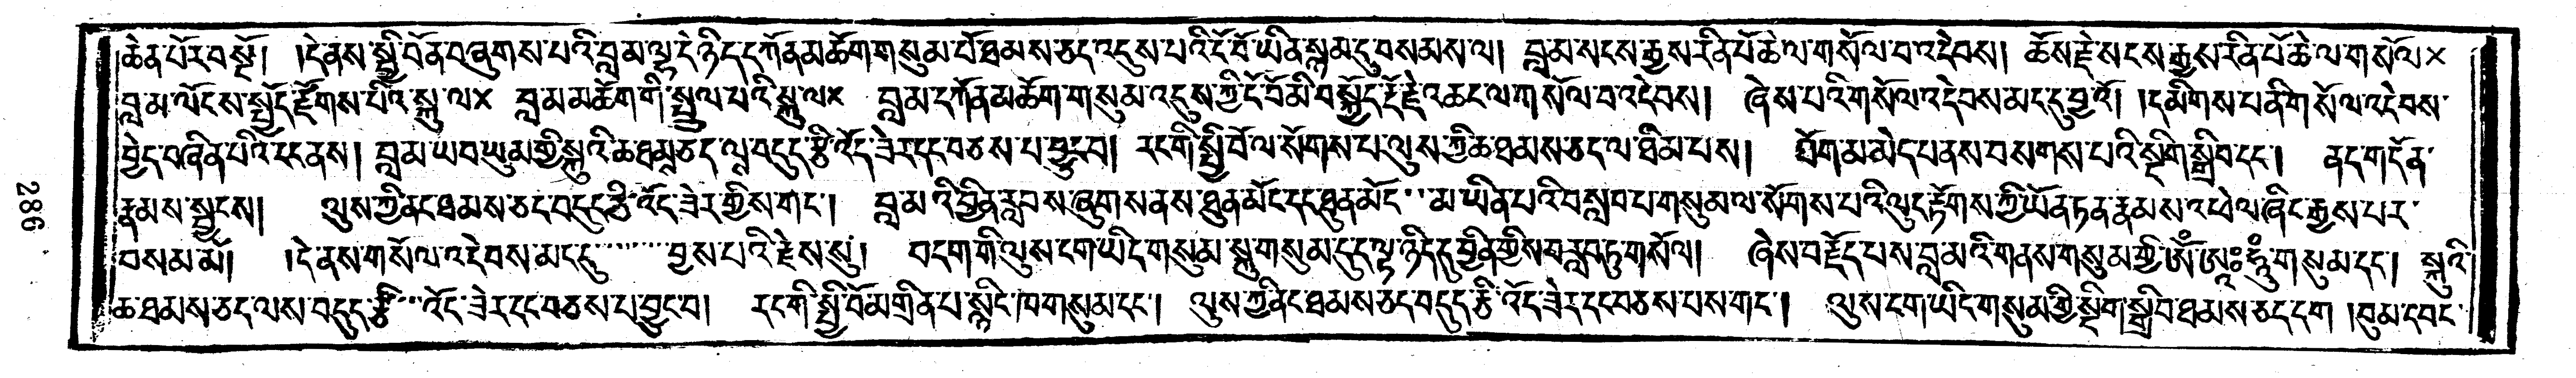ཆེན་པོར་བསྔོ། །དེ་ནས་སྤྱི་བོན་བཞུགས་པའི་བླ་མ་ལྷ་དེ་ཉིད་དཀོན་མཆོག་གསུམ་པོ་ཐམས་ཅད་འདུས་པའི་ངོ་བོ་ཡིན་སྙམ་དུ་བསམས་ལ། བླ་མ་སངས་རྒྱས་རིན་པོ་ཆེ་ལ་གསོལ་བ་འདེབས། ཆོས་རྗེ་སངས་རྒྱས་རིན་པོ་ཆེ་ལ་གསོལ་྾་
བླ་མ་ལོངས་སྤྱོད་རྫོགས་པའི་སྐུ་ལ་྾་བླ་མ་མཆོག་གི་སྤྲུལ་པའི་སྐུ་ལ་྾་བླ་མ་དཀོན་མཆོག་གསུམ་འདུས་ཀྱི་ངོ་བོ་མི་བསྐྱོད་རྡོ་རྗེ་འཆང་ལ་གསོལ་བ་འདེབས། ཞེས་པའི་གསོལ་འདེབས་མང་དུ་བྱའོ། །དམིགས་པ་ནི་གསོལ་འདེབས་
བྱེད་བཞིན་པའི་ངང་ནས། བླ་མ་ཡབ་ཡུམ་གྱི་སྐུའི་ཆ་ཐམས་ཅད་ལས་བདུད་རྩི་འོད་ཟེར་དང་བཅས་པ་བྱུང་བ། རང་གི་སྤྱི་བོ་ལ་སོགས་པ་ལུས་ཀྱི་ཆ་ཐམས་ཅད་ལ་ཐིམ་པས། ཐོག་མ་མེད་པ་ནས་བསགས་པའི་སྡིག་སྒྲིབ་དང་། ནད་གདོན་
རྣམས་སྦྱངས། ལུས་ཀྱི་ནང་ཐམས་ཅད་བདུད་རྩི་འོད་ཟེར་གྱིས་གང་། བླ་མའི་བྱིན་རླབས་ཞུགས་ནས་ཐུན་མོང་དང་ཐུན་མོང་མ་ཡིན་པའི་བསླབ་པ་གསུམ་ལ་སོགས་པའི་ལུང་རྟོགས་ཀྱི་ཡོན་ཏན་རྣམས་འཕེལ་ཞིང་རྒྱས་པར་
བསམ་མོ། །དེ་ནས་གསོལ་འདེབས་མང་དུ་བྱས་པའི་རྗེས་སུ། བདག་གི་ལུས་ངག་ཡིད་གསུམ་སྐུ་གསུམ་དུ་ད་ལྟ་ཉིད་དུ་བྱིན་གྱིས་བརླབ་ཏུ་གསོལ། ཞེས་བརྗོད་པས་བླ་མའི་གནས་གསུམ་གྱི་ཨོཾ་ཨཱཿ ཧཱུཾ་གསུམ་དང་། སྐུའི་
ཆ་ཐམས་ཅད་ལས་བདུད་རྩི་འོད་ཟེར་དང་བཅས་པ་བྱུང་བ། རང་གི་སྤྱི་བོ་མགྲིན་པ་སྙིང་ཁ་གསུམ་དང་། ལུས་ཀྱི་ནང་ཐམས་ཅད་བདུད་རྩི་འོད་ཟེར་དང་བཅས་པས་གང་། ལུས་ངག་ཡིད་གསུམ་གྱི་སྡིག་སྒྲིབ་ཐམས་ཅད་དག །བུམ་དབང་